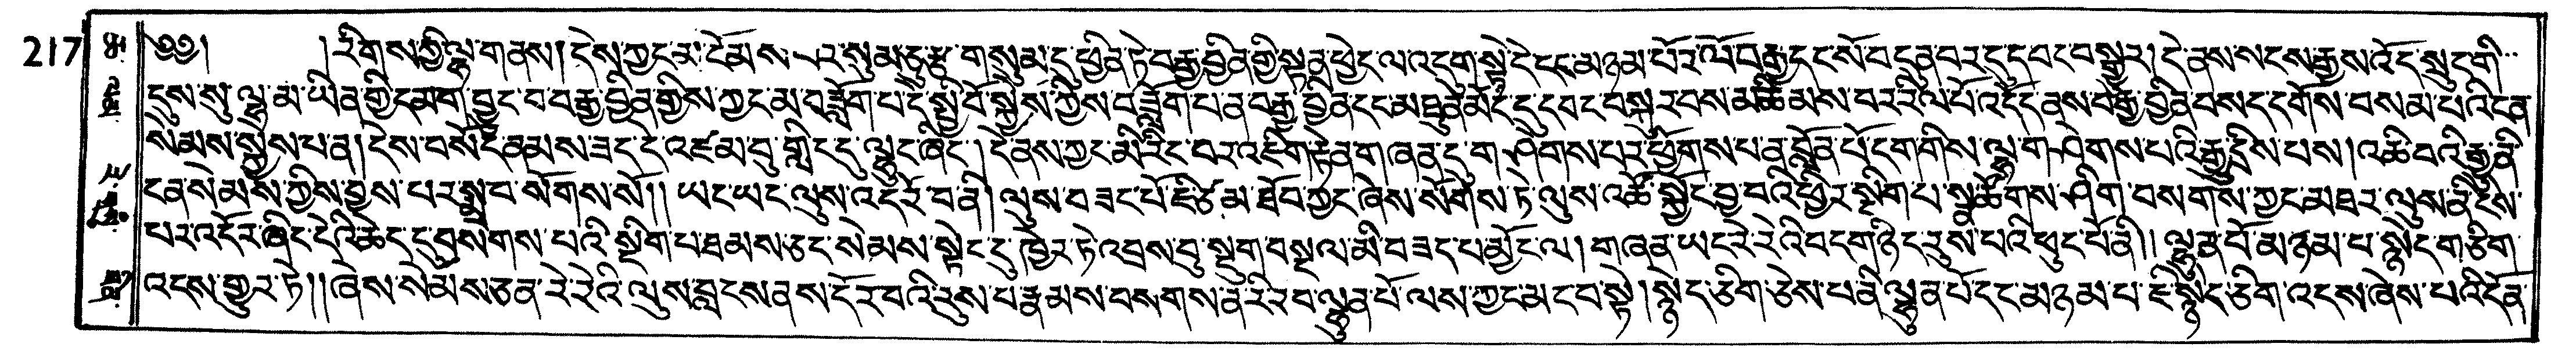༄༅། །རིགས་ཀྱི་ལྷ་གནས། དེས་ཀྱང་མ་ངོམས་པར་སུམ་ཅུ་རྩ་གསུམ་དུ་ཕྱིན་ཏེ་བརྒྱ་བྱིན་གྱི་སྟན་ཕྱེད་ལ་འདུག་སྟེ་དེ་དང་མཉམ་པོར་ལོ་བརྒྱ་དང་སོ་བདུན་བར་དུ་དབང་བསྒྱུར། དེ་ནས་སངས་རྒྱས་འོད་སྲུང་གི་
དུས་སུ་ལྷ་མ་ཡིན་གྱི་དམག་བྱུང་བ་བརྒྱ་བྱིན་གྱིས་ཀྱང་མ་བཟློག་པ་དེ་སྤྱི་བོ་སྐྱེས་ཀྱིས་བཟློག་པ་ན་བརྒྱ་བྱིན་དང་མཐུན་མོང་དུ་དབང་བསྐུར་བས་མཆིམས་བར་རིལ་པོ་འདོད་ནས་བརྒྱ་བྱིན་བསད་དགོས་བསམ་པའི་ངན་
སེམས་སྐྱེས་པ་ན། དེས་བསོད་ནམས་ཟད་དེ་འཛམ་བུ་གླིང་དུ་ལྷུང་ཞིང་། དེ་ནས་ཀྱང་མི་རིང་བར་འཇིག་རྟེན་གཞན་དུ་གཤེགས་པར་ཕྱོགས་པ་ན་བློན་པོ་དག་གིས་ལྷ་གཤེགས་པའི་རྒྱུ་དྲིས་པས། འཆི་བའི་རྒྱུ་ནི་
ངན་སེམས་ཀྱིས་བྱས་པར་སྨྲ་བ་སོགས་སོ། །ཡང་ཡང་ལུས་འདོར་བ་ནི། ལུས་བཟང་པོ་ཇི་ཙམ་ཐོབ་ཀྱང་ཞེས་སོགས་ཏེ་ལུས་འཚོ་སྐྱོང་བྱ་བའི་ཕྱིར་སྡིག་པ་སྣ་ཚོགས་ཤིག་བསགས་ཀྱང་མཐར་ལུས་ནི་ངེས་
པར་འདོར་ཞིང་དེའི་ཆེད་དུ་བསགས་པའི་སྡིག་པ་ཐམས་ཅད་སེམས་སྟེང་དུ་ཁྱེར་ཏེ་འབྲས་བུ་སྡུག་བསྔལ་མི་བཟད་པ་མྱོང་ལ། གཞན་ཡང་རེ་རེའི་བདག་ཉིད་རུས་པའི་ཕུང་པོ་ནི། །ལྷུན་པོ་མཉམ་པ་སྙེད་གཅིག་
འདས་གྱུར་ཏེ། །ཞེས་སེམས་ཅན་རེ་རེའི་ལུས་བླངས་ནས་དོར་བའི་རུས་པ་རྣམས་བསགས་ན་རི་རབ་ལྷུན་པོ་ལས་ཀྱང་མང་བ་སྟེ། སྙེད་ཅིག་ཅེས་པ་ནི་ལྷུན་པོ་དང་མཉམ་པ་ཇི་སྙེད་ཅིག་འདས་ཞེས་པའི་དོན་